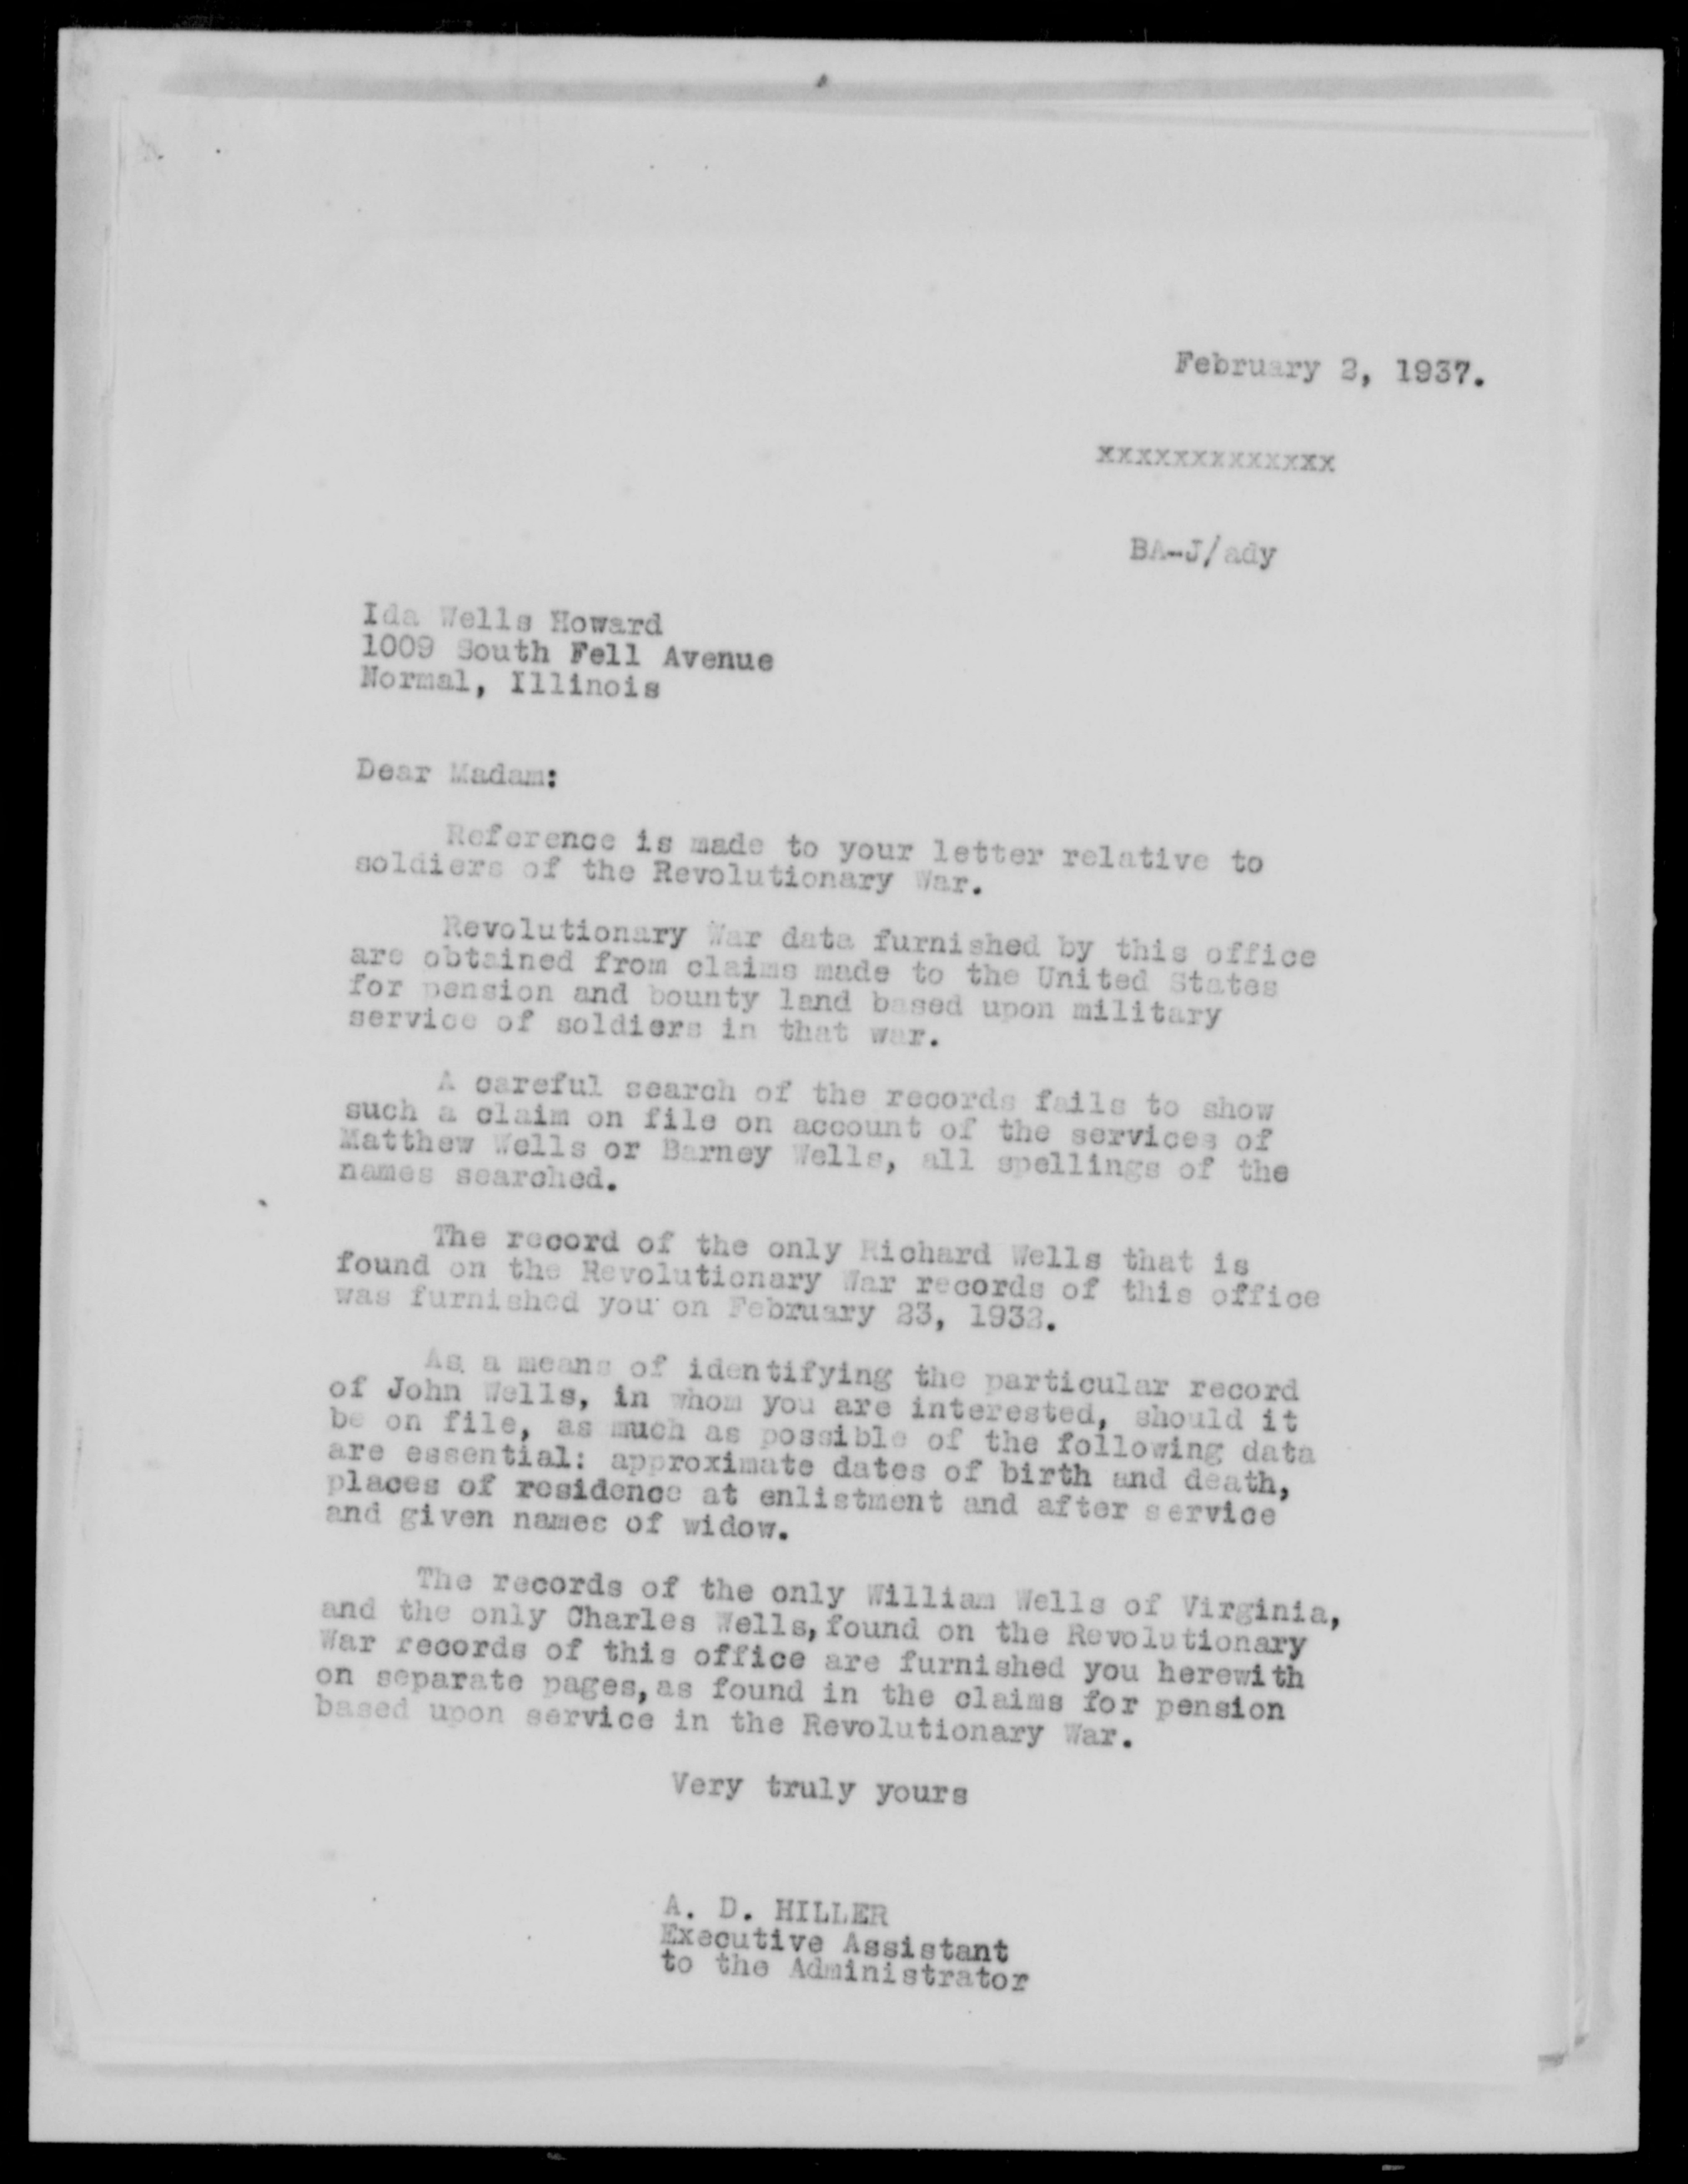February 2, 1937.
XXXXXXXXXXXXX
BA-J/ady

Ida Wells Howard
1009 South Fell Avenue
Normal, Illinois

Dear Madam:
Reference is made to your letter relative to
soldiers of the Revolutionary War.
Revolutionary War data furnished by this office
are obtained from claims made to the United States
for pension and bounty land based upon military
service of soldiers in that war.
A careful search of the records fails to show
such a claim on file on account of the services of
Matthew Wells or Barney Wells, all spellings of the
names searched.
The record of the only Richard Wells that is
found on the Revolutionary War records of this office
was furnished you on February 23, 1932.
As a means of identifying the particular record
of John Wells, in whom you are interested, should it
be on file, as much as possible of the following data
are essential: approximate dates of birth and death.
places of residence at enlistment and after service,
and given names of widow.
The records of the only William Wells of Virginia,
and the only Charles Wells, found on the Revolutionary War
records of this office are furnished you herewith
on separate pages, as found in the claims for pension
based upon service in the Revolutionary War.
Very truly yours
A. D. HILLER
Executive Assistant
to the Administrator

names: Ida Wells Howard, Barney Wells, John Wells, William Wells, Charles Wells, Matthew Wells, Richard Wells, A D Hiller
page: 91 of 100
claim: widow's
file: W. 6437, Richard Wells, Ga Va.